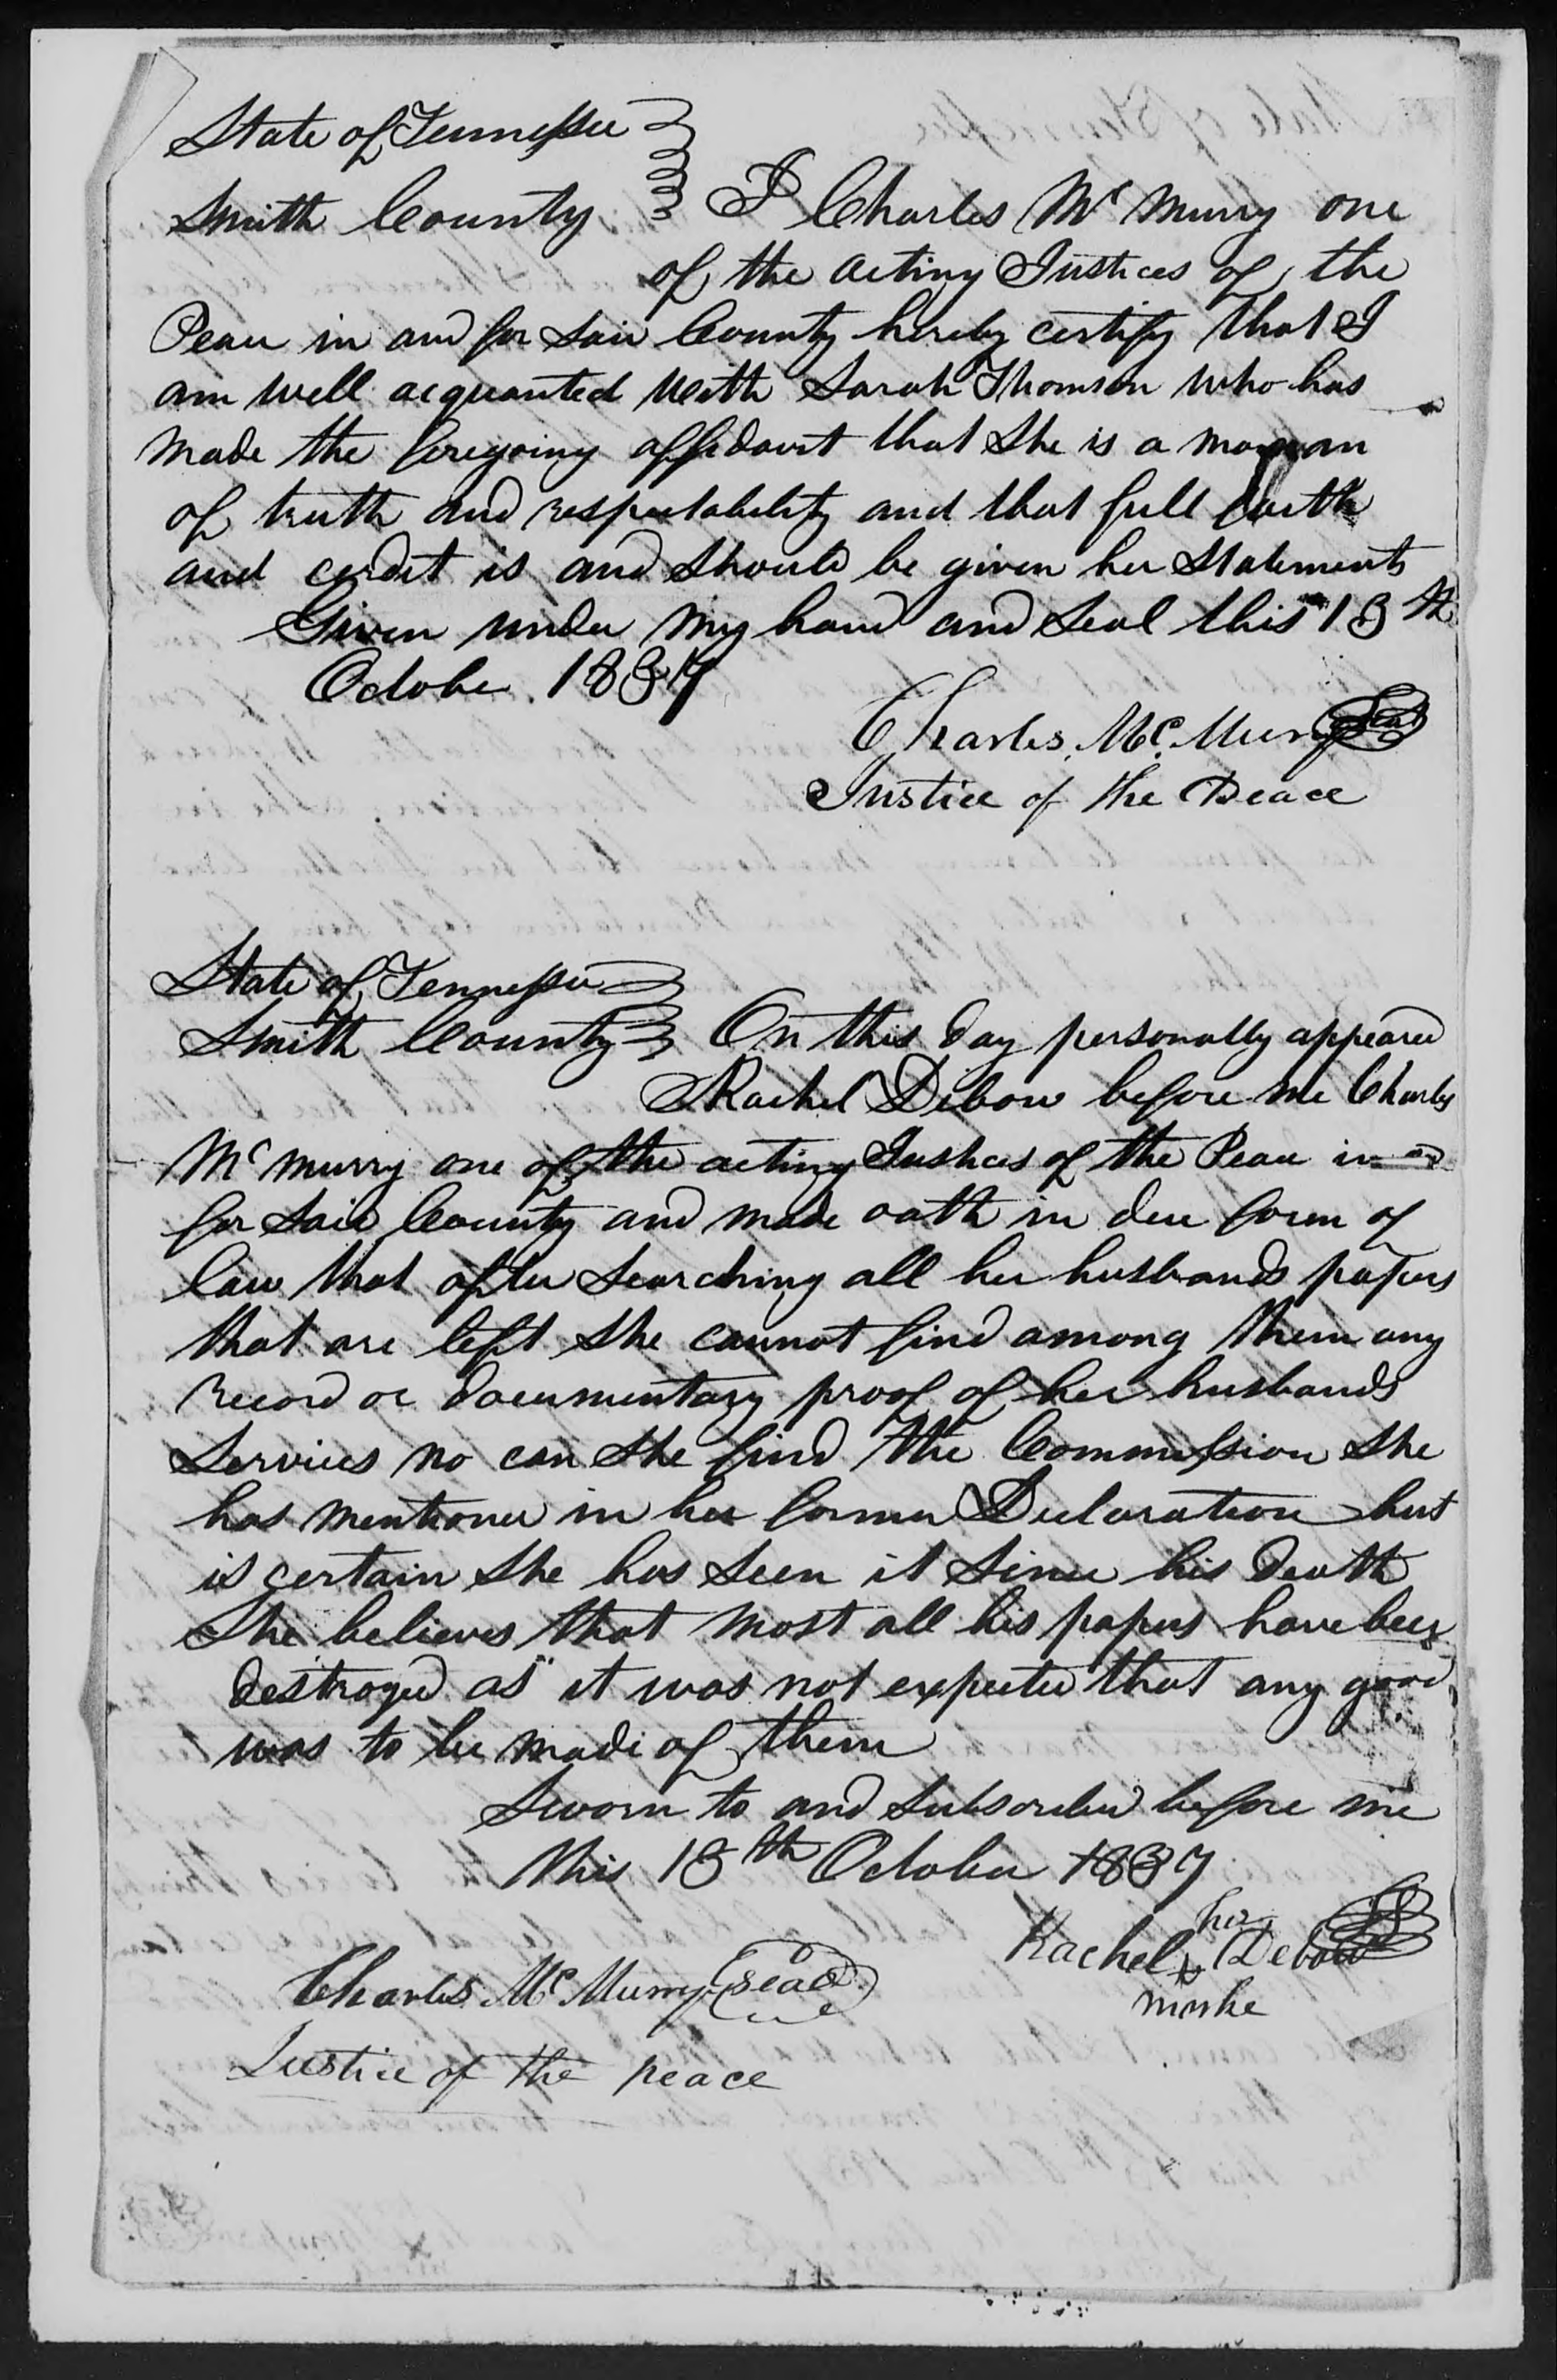State of Tennessee}
Smith County} I Charles McMurry one
Of the acting Justices of the
Peace in and for Said County hereby certify that I
Am well acquainted with Sarah Thomson who has
Made the foregoing affidavit that she is a [illegible smudge]
Of truth and respectability and that full oath 
and [illegible] is and should be given her statement
given under my hand and seal this 13th 
October 1837
	Charles McMurry seal
	Justice of the Peace

State of Tennessee}
Smith County} On this day personally appeared
Rachel Debow before me Charles 
McMurry one of the acting Justices of the Peace in and 
for Said County and made oath in due form of
law that after searching all her husbands papers
that are left she cannot find among them any
record or documentary proof of her husbands
services no can she find the Commus[illegible] she
had mentioned in his former Declaration but is
certain she has seen it since his death.
She believes that most all his papers have been
Destroyed as it was not expected that any good
Was to be made of them.
Sworn to and subscribed before me
This 13th October 1837 			her
Charles McMurry seal		Rachel X Debow seal
Justice of the Peace			mark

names: Charles Mc Murry, Charles Mc Murry, Charles Mc Murry, Rachel Debow, Sarah Thomson, Rachel Debow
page: 11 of 62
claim: widow's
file: W 7005, Frederick Debow, N.C.